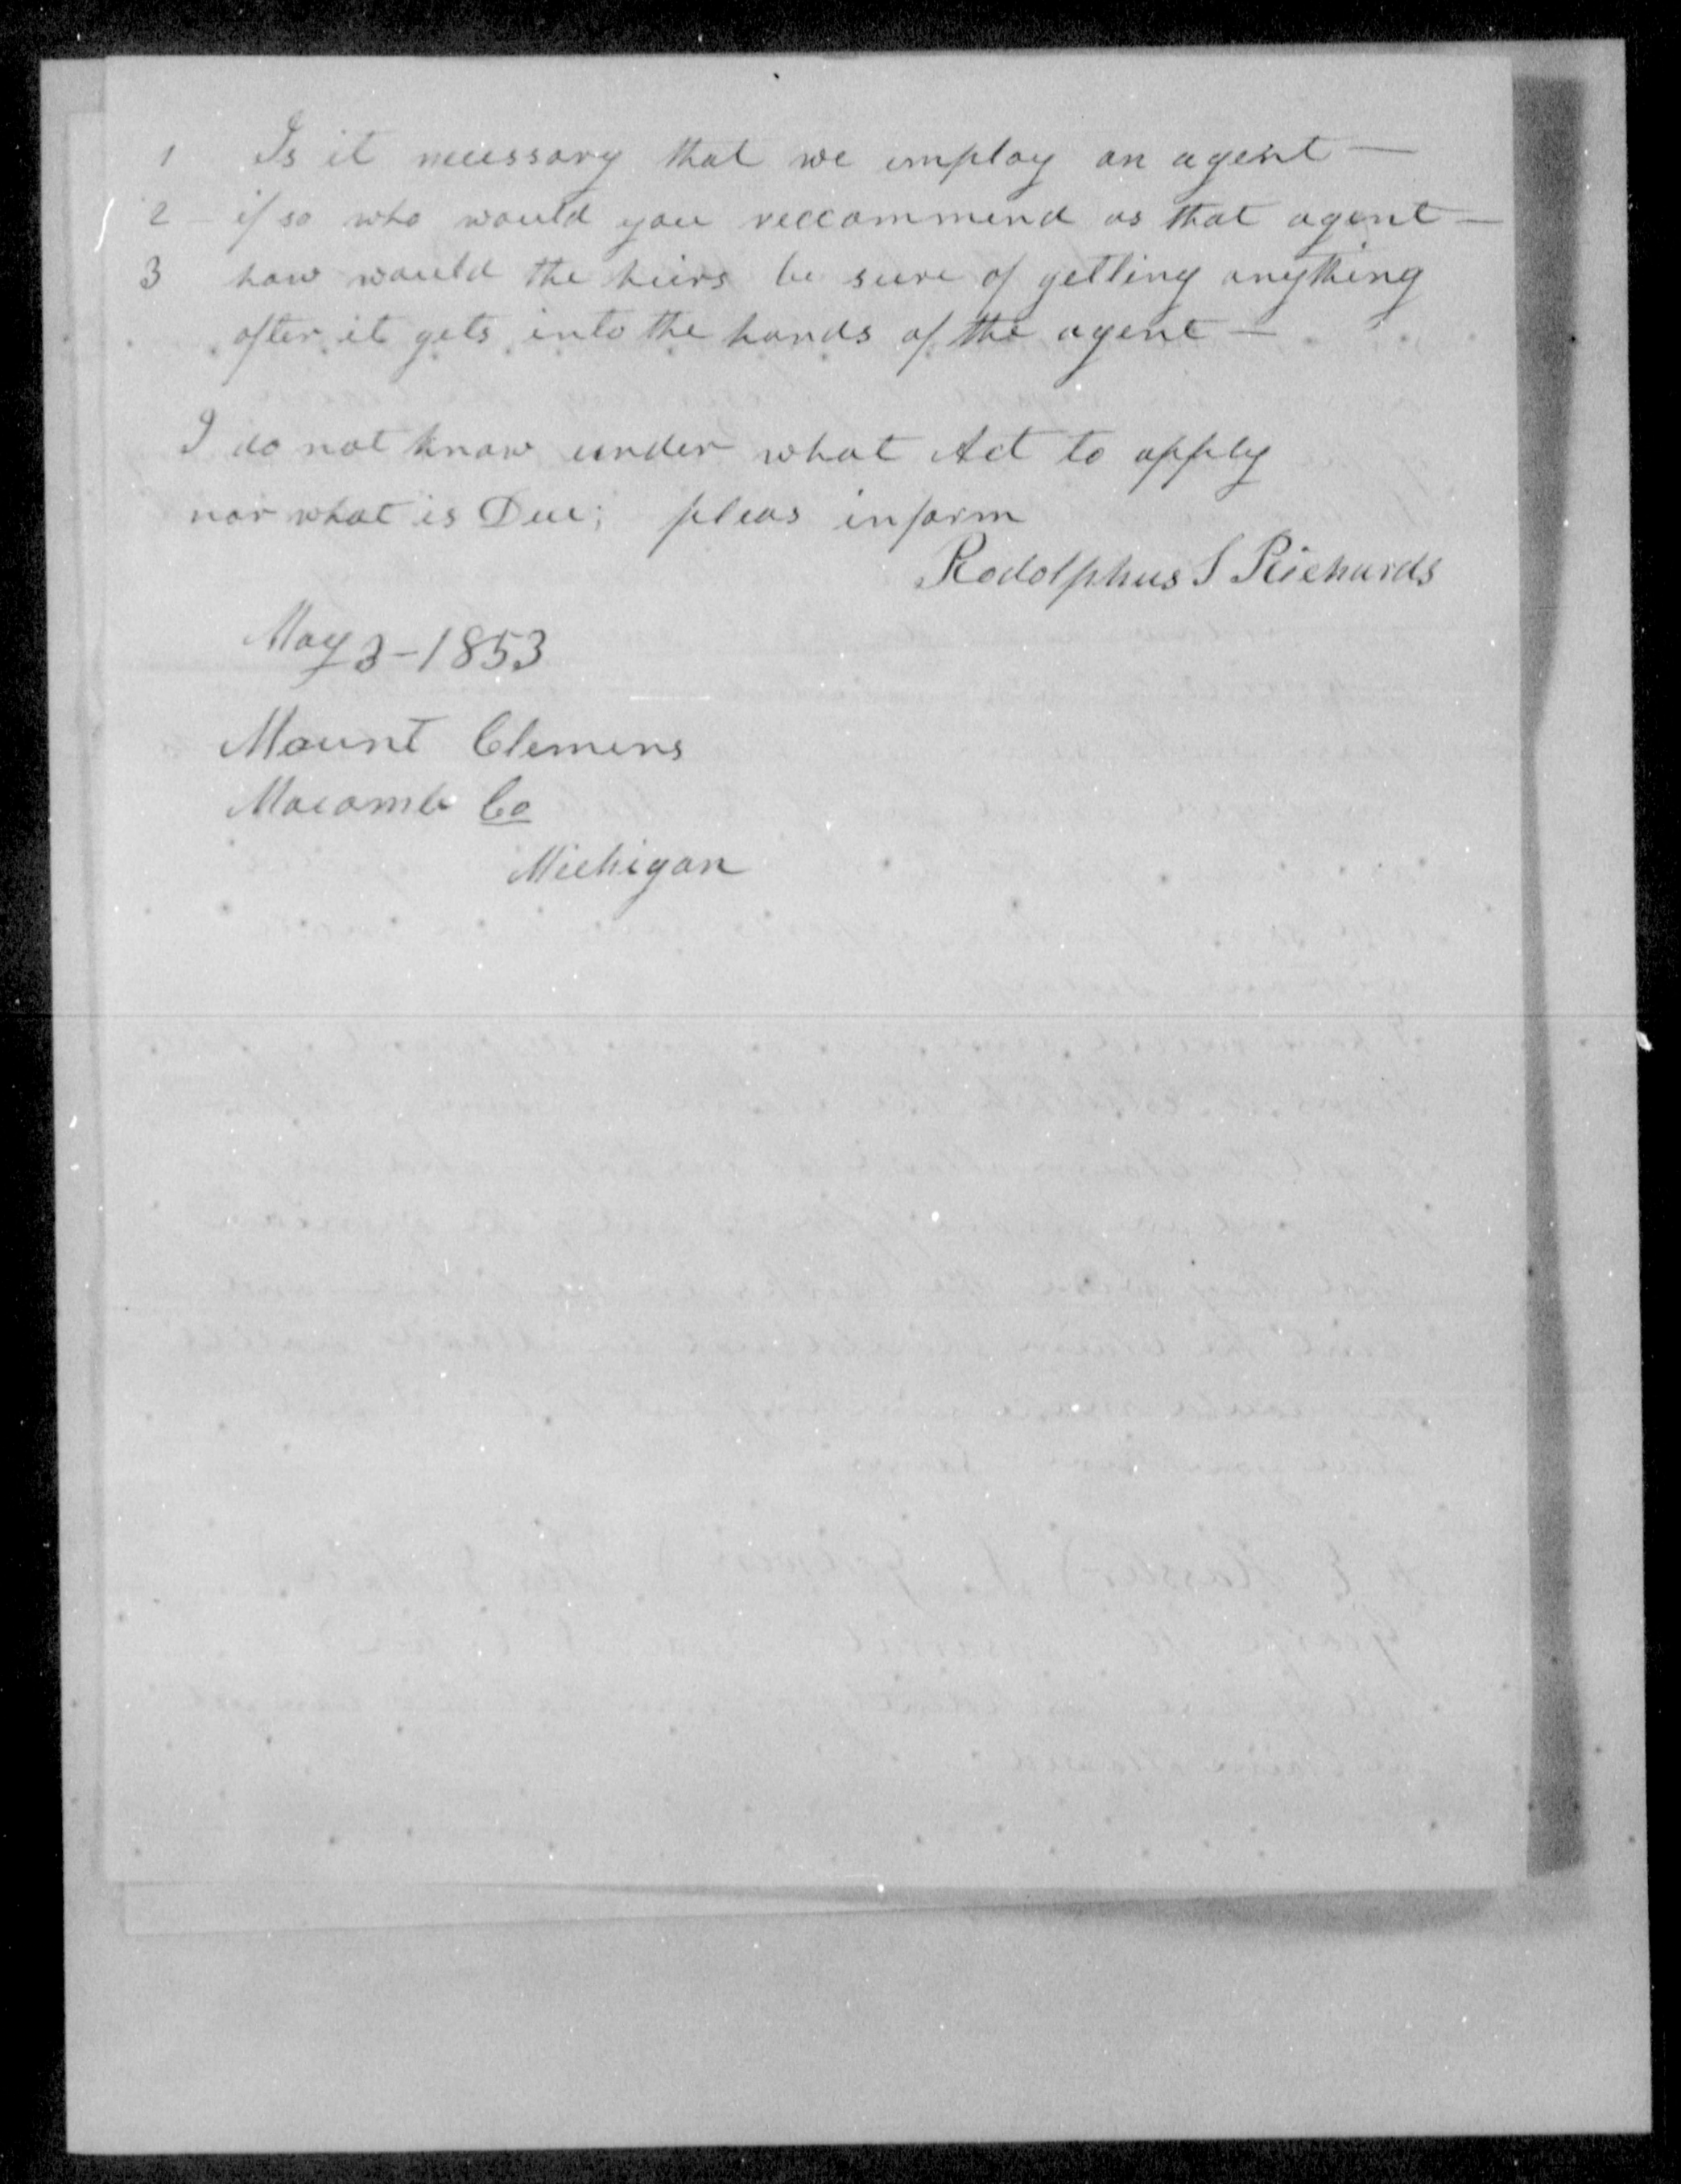1 Is it necessary that we employ an agent -
2 if so who would you reccommend [RECOMMEND] as that agent -
3 how would the heirs be sure of getting anything after it gets into the hands of the agent--
I do not know under what Act to apply
nor what is Due; pleas [PLEASE] inform
Rodolphus S Richards
May 3, 1853
Mount Clemens
Macomb Co
Michigan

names: Rodolphus S Richards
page: 81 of 109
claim: widow's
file: W. 5709, for Thomas Richards, New Hampshire